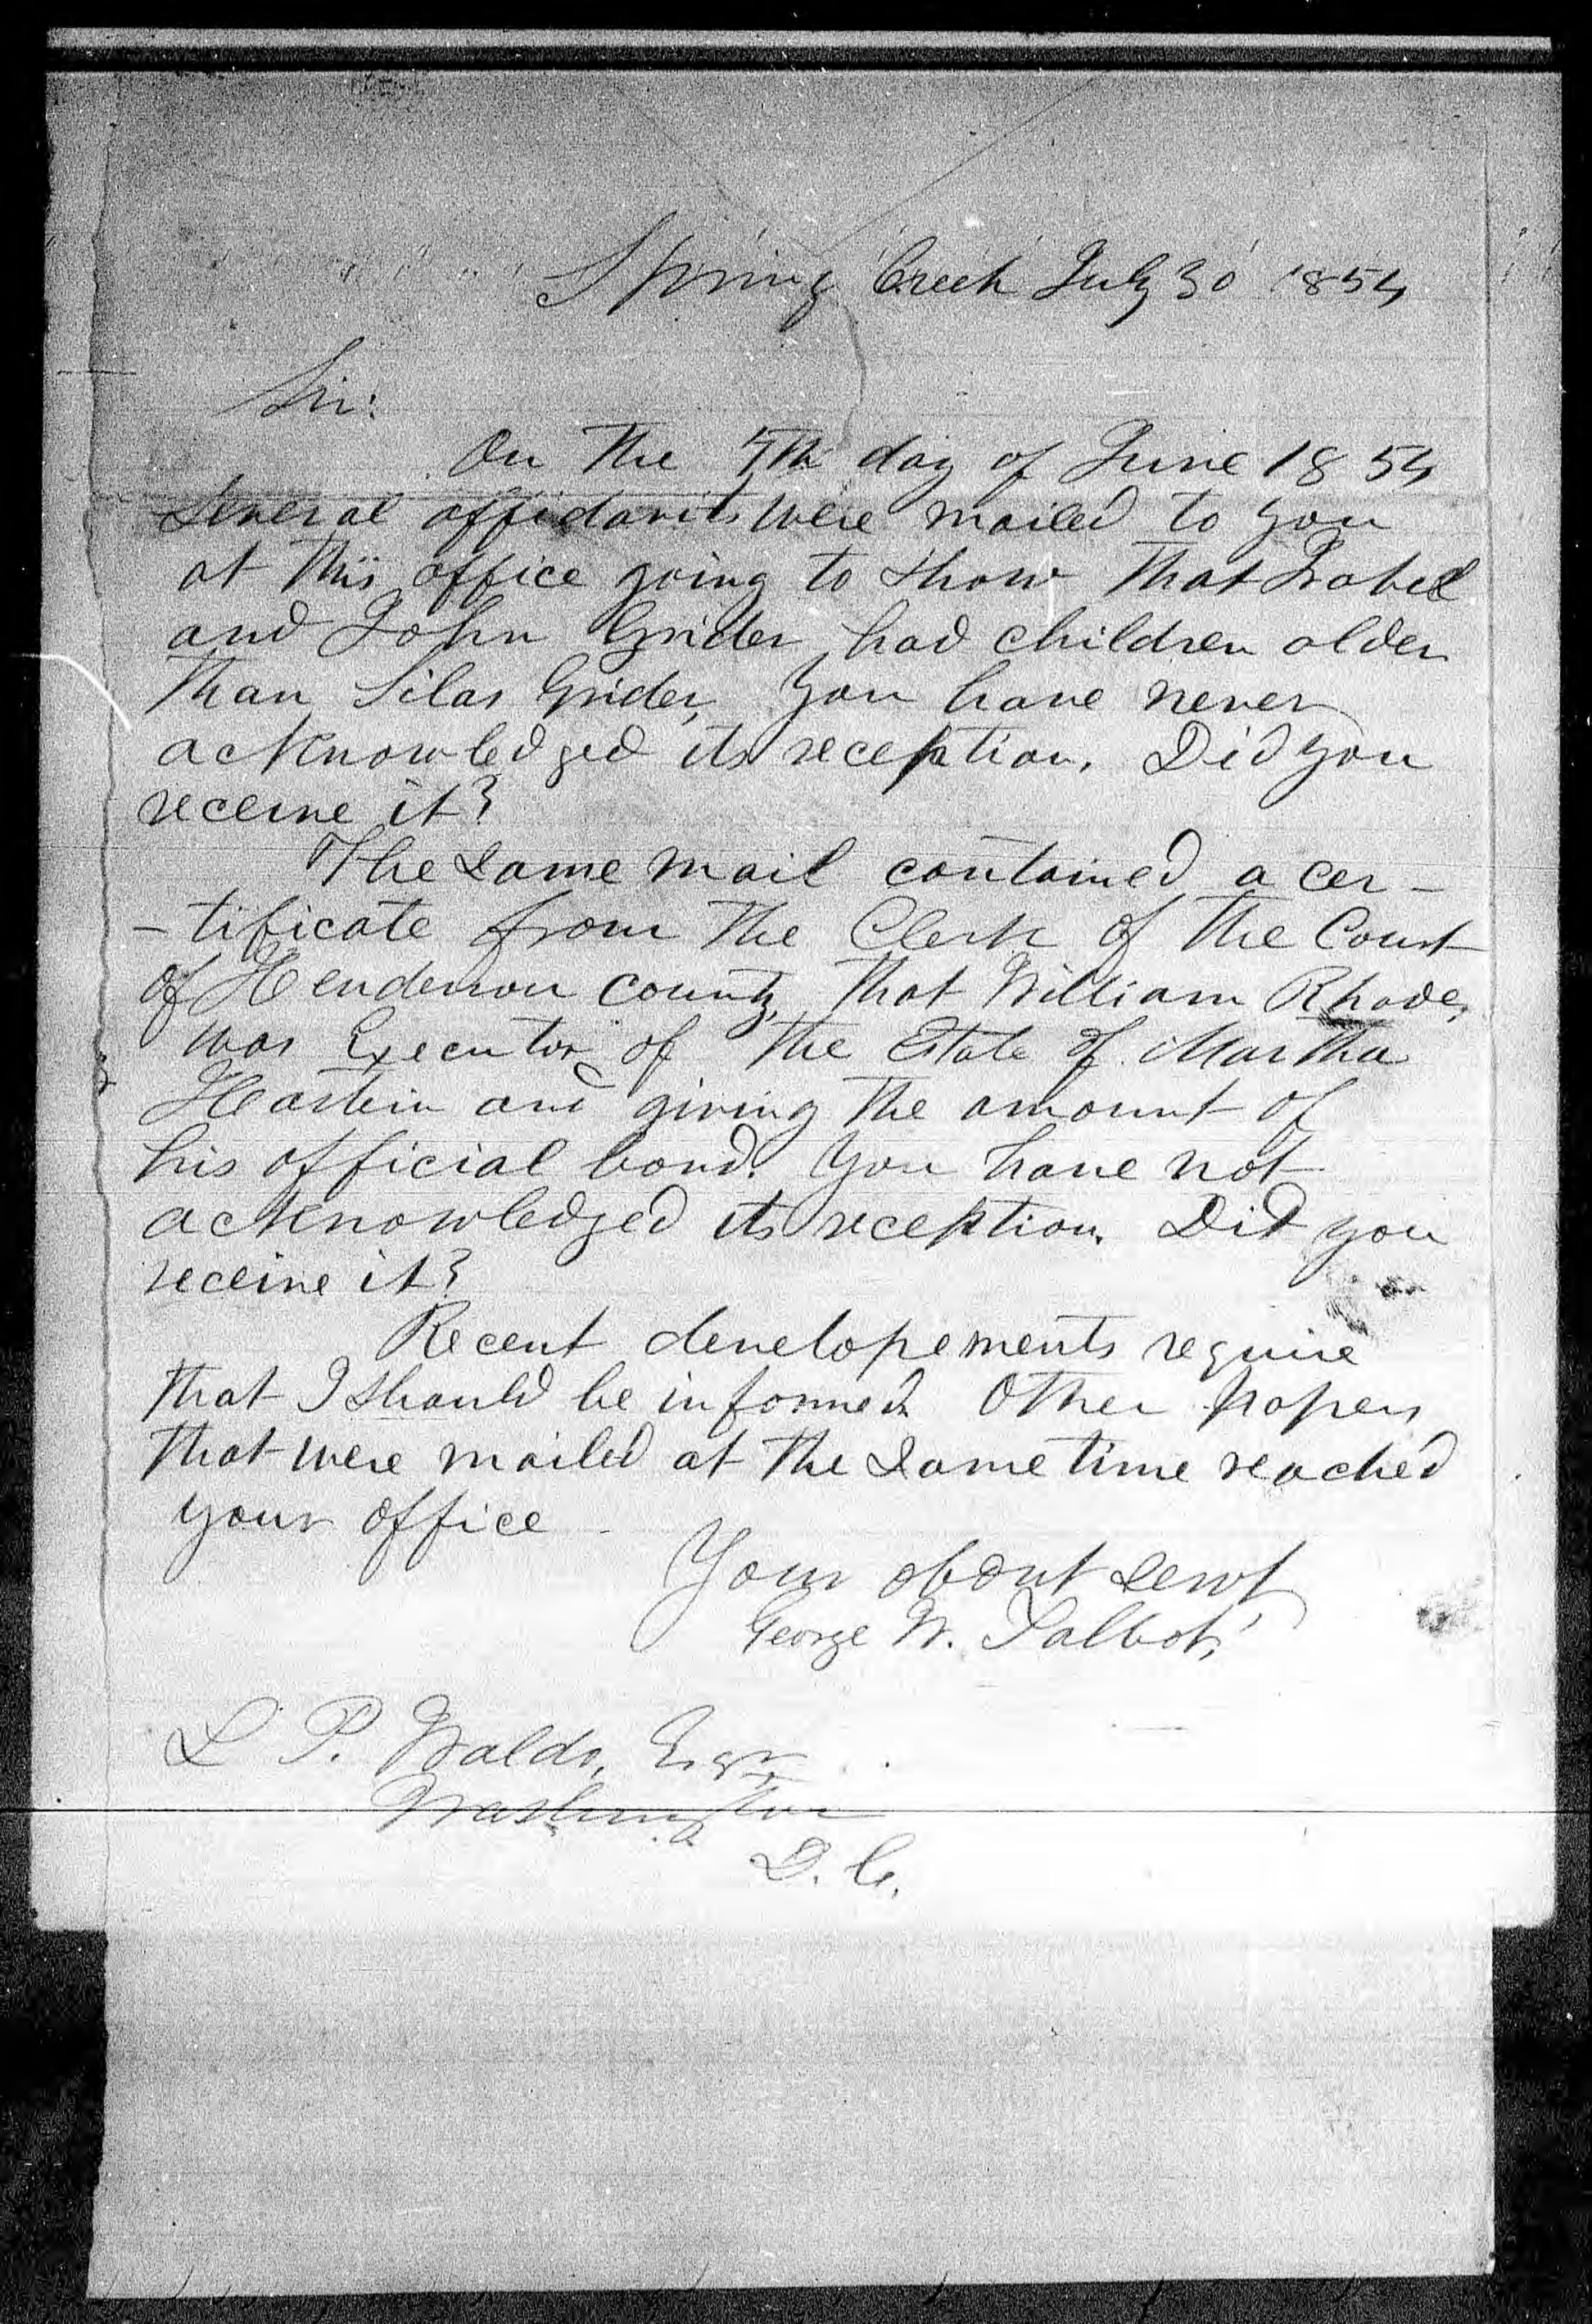Spring Creek July 30 1855

Sir: 
     On the 7th day of June 1855 several affidavits were mailed to you at this office going to show that Isabel and John Grider had children older than Silas Grider. You have never acknowledged its reception. Did you receive it?
     The same mail contained a certificate from the Clerk of the Court of Henderson County that William Rhode was executor of the Estate of Martha Hastein and giving the amount of his official bond. You have not acknowledged its reception. Did you receive it?
     Recent developments require that I should be informed other papers that were mailed at the same time reached your office.
Your Obent servt  
George W. Talbot

L.P. Waldo Esq
Washington 
D.C.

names: Silas Grider, Martha Hastein, George W Talbot, L P Waldo, Isabel Grider, William Rhodes, John Grider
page: 58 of 91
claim: widow's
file: W 358, John Grider, N.C.